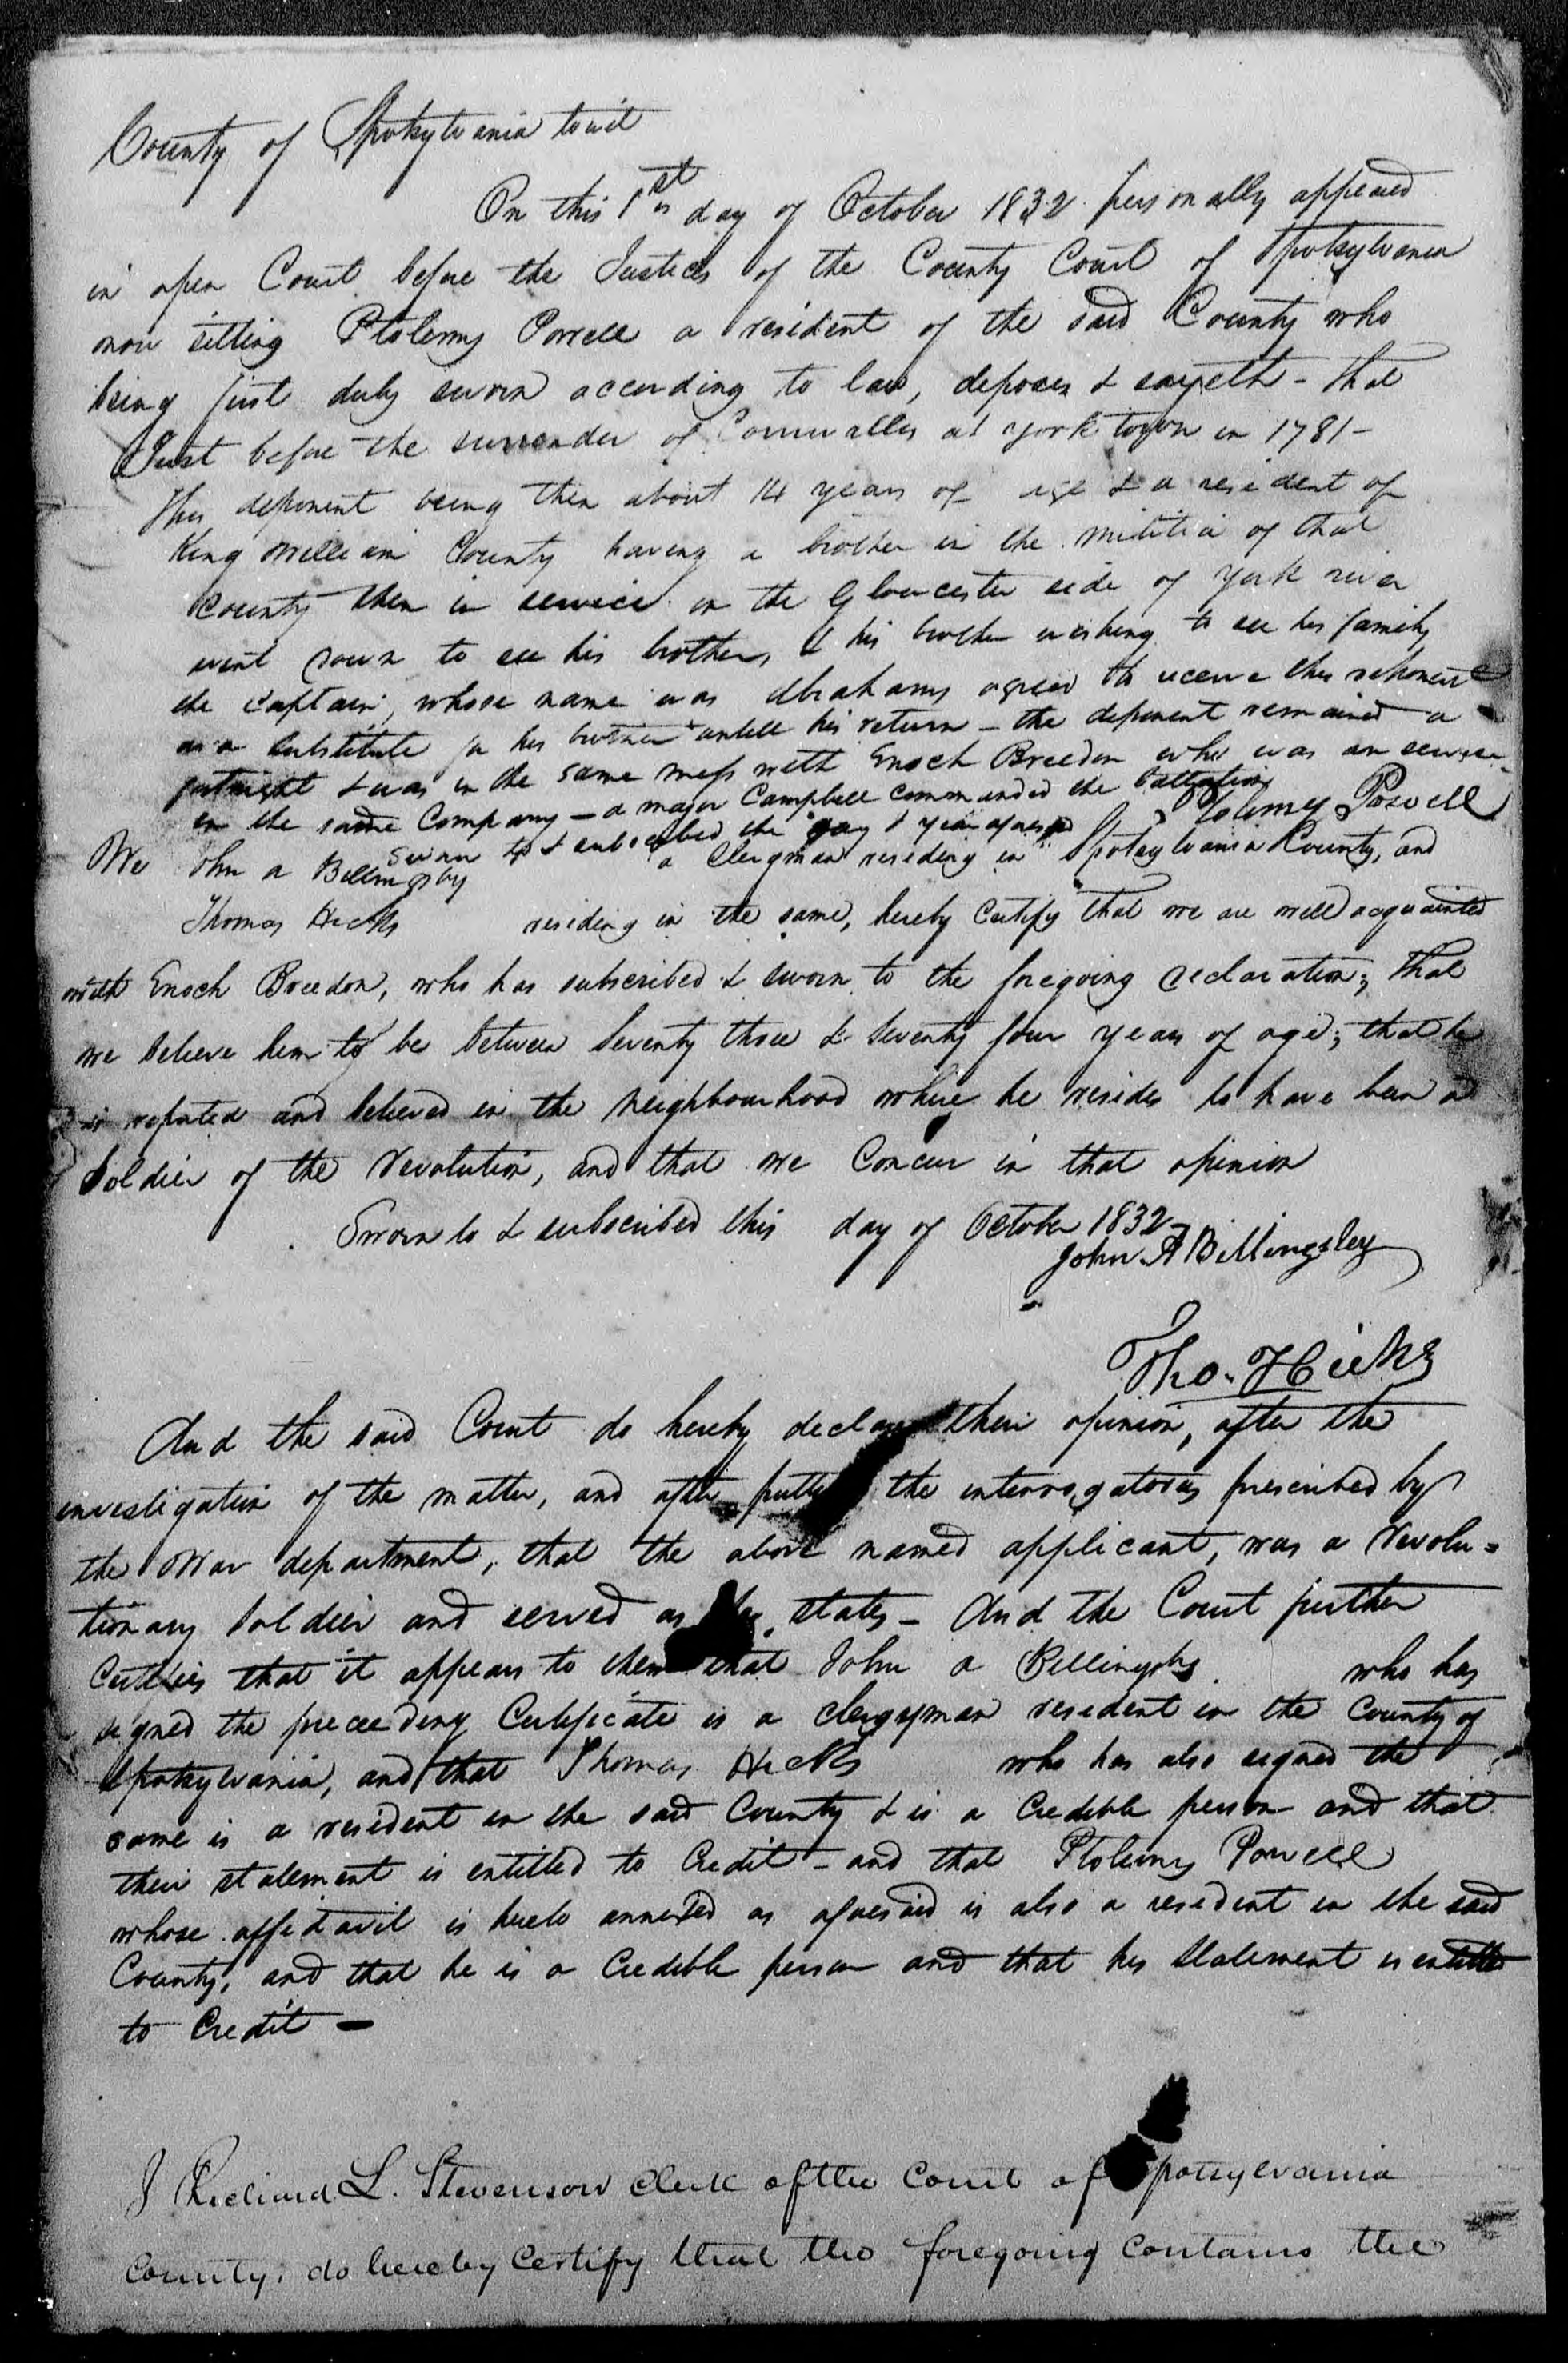County of Spotsylvania to wit
On this 1st day of October 1832 personally appeared in open Court before the Justices of the County Court of Spotsylvania now sitting Ptolemy Powell a resident of the said County who being first duly sworn according to law, deposes & sayeth that Just before the surrender of Cornwalles at York town in 1781- This deponent being then about 14 years of age & a resident of King William County having a brother in the militia of that County then in service in the Gloucester side of York a went down to see his brother, his brother wishing to see his family the captain, whose name was Abrahams agreed to receive this deponent a substitute for his brother untill his return-- the deponent remained a [?] & was in the same mess with Enoch Breeden who was in service in the same Company, a Major Campbell commanded the battalion 


We John a Billingsay Thomas Hicks residing in the same, hereby certify that we are well acquaint with Enoch Breedon, who has subscribed & sworn to the foregoing declaration; that we believe him to be between seventy three & Seventy four years of age; that he reported and believed in the neighbourhood where he resides to have been a Soldier of the revolution, and that we concur in that opinion 

Sworn to & subscribed this day of October 1832
John A Billingsley 
Tho Hicks

And the said Court do hereby declare their opinion, after the investigation of the matter, and after further interrogating [?] by the War department, that the above named applicant was a Revolutionart soldier and served as he states. And the Court further Certifies  that it appears to them that John A Billingsly who has signed the preceeding certificate is a clergyman resident in the County Spotsylvania, and that Thomas Hicks who has also signed the same is a resident in the said County & is a credible person and that their statement is entitled to credit and that Ptolemy Powell whose affidavit is hereto annexed as aforesaid is also a resident in the said County, and that he is a credible person and that his statement is [?] to credit-

 I Richard L. Stevenson Clerk of the Court of Spotsylvania County, do hereby certify that the foregoing contains the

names: Abrahams, Enoch Breedon, John A Billingsley, Richard L Stevenson, Thomas Hicks, Campbell, Powell, Powell, Enoch Breeden, John A Billingsly, Tho Hicks, Thomas Hicks, King William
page: 7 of 27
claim: survivor's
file: S. 1747, Enoch Breeden, Va.